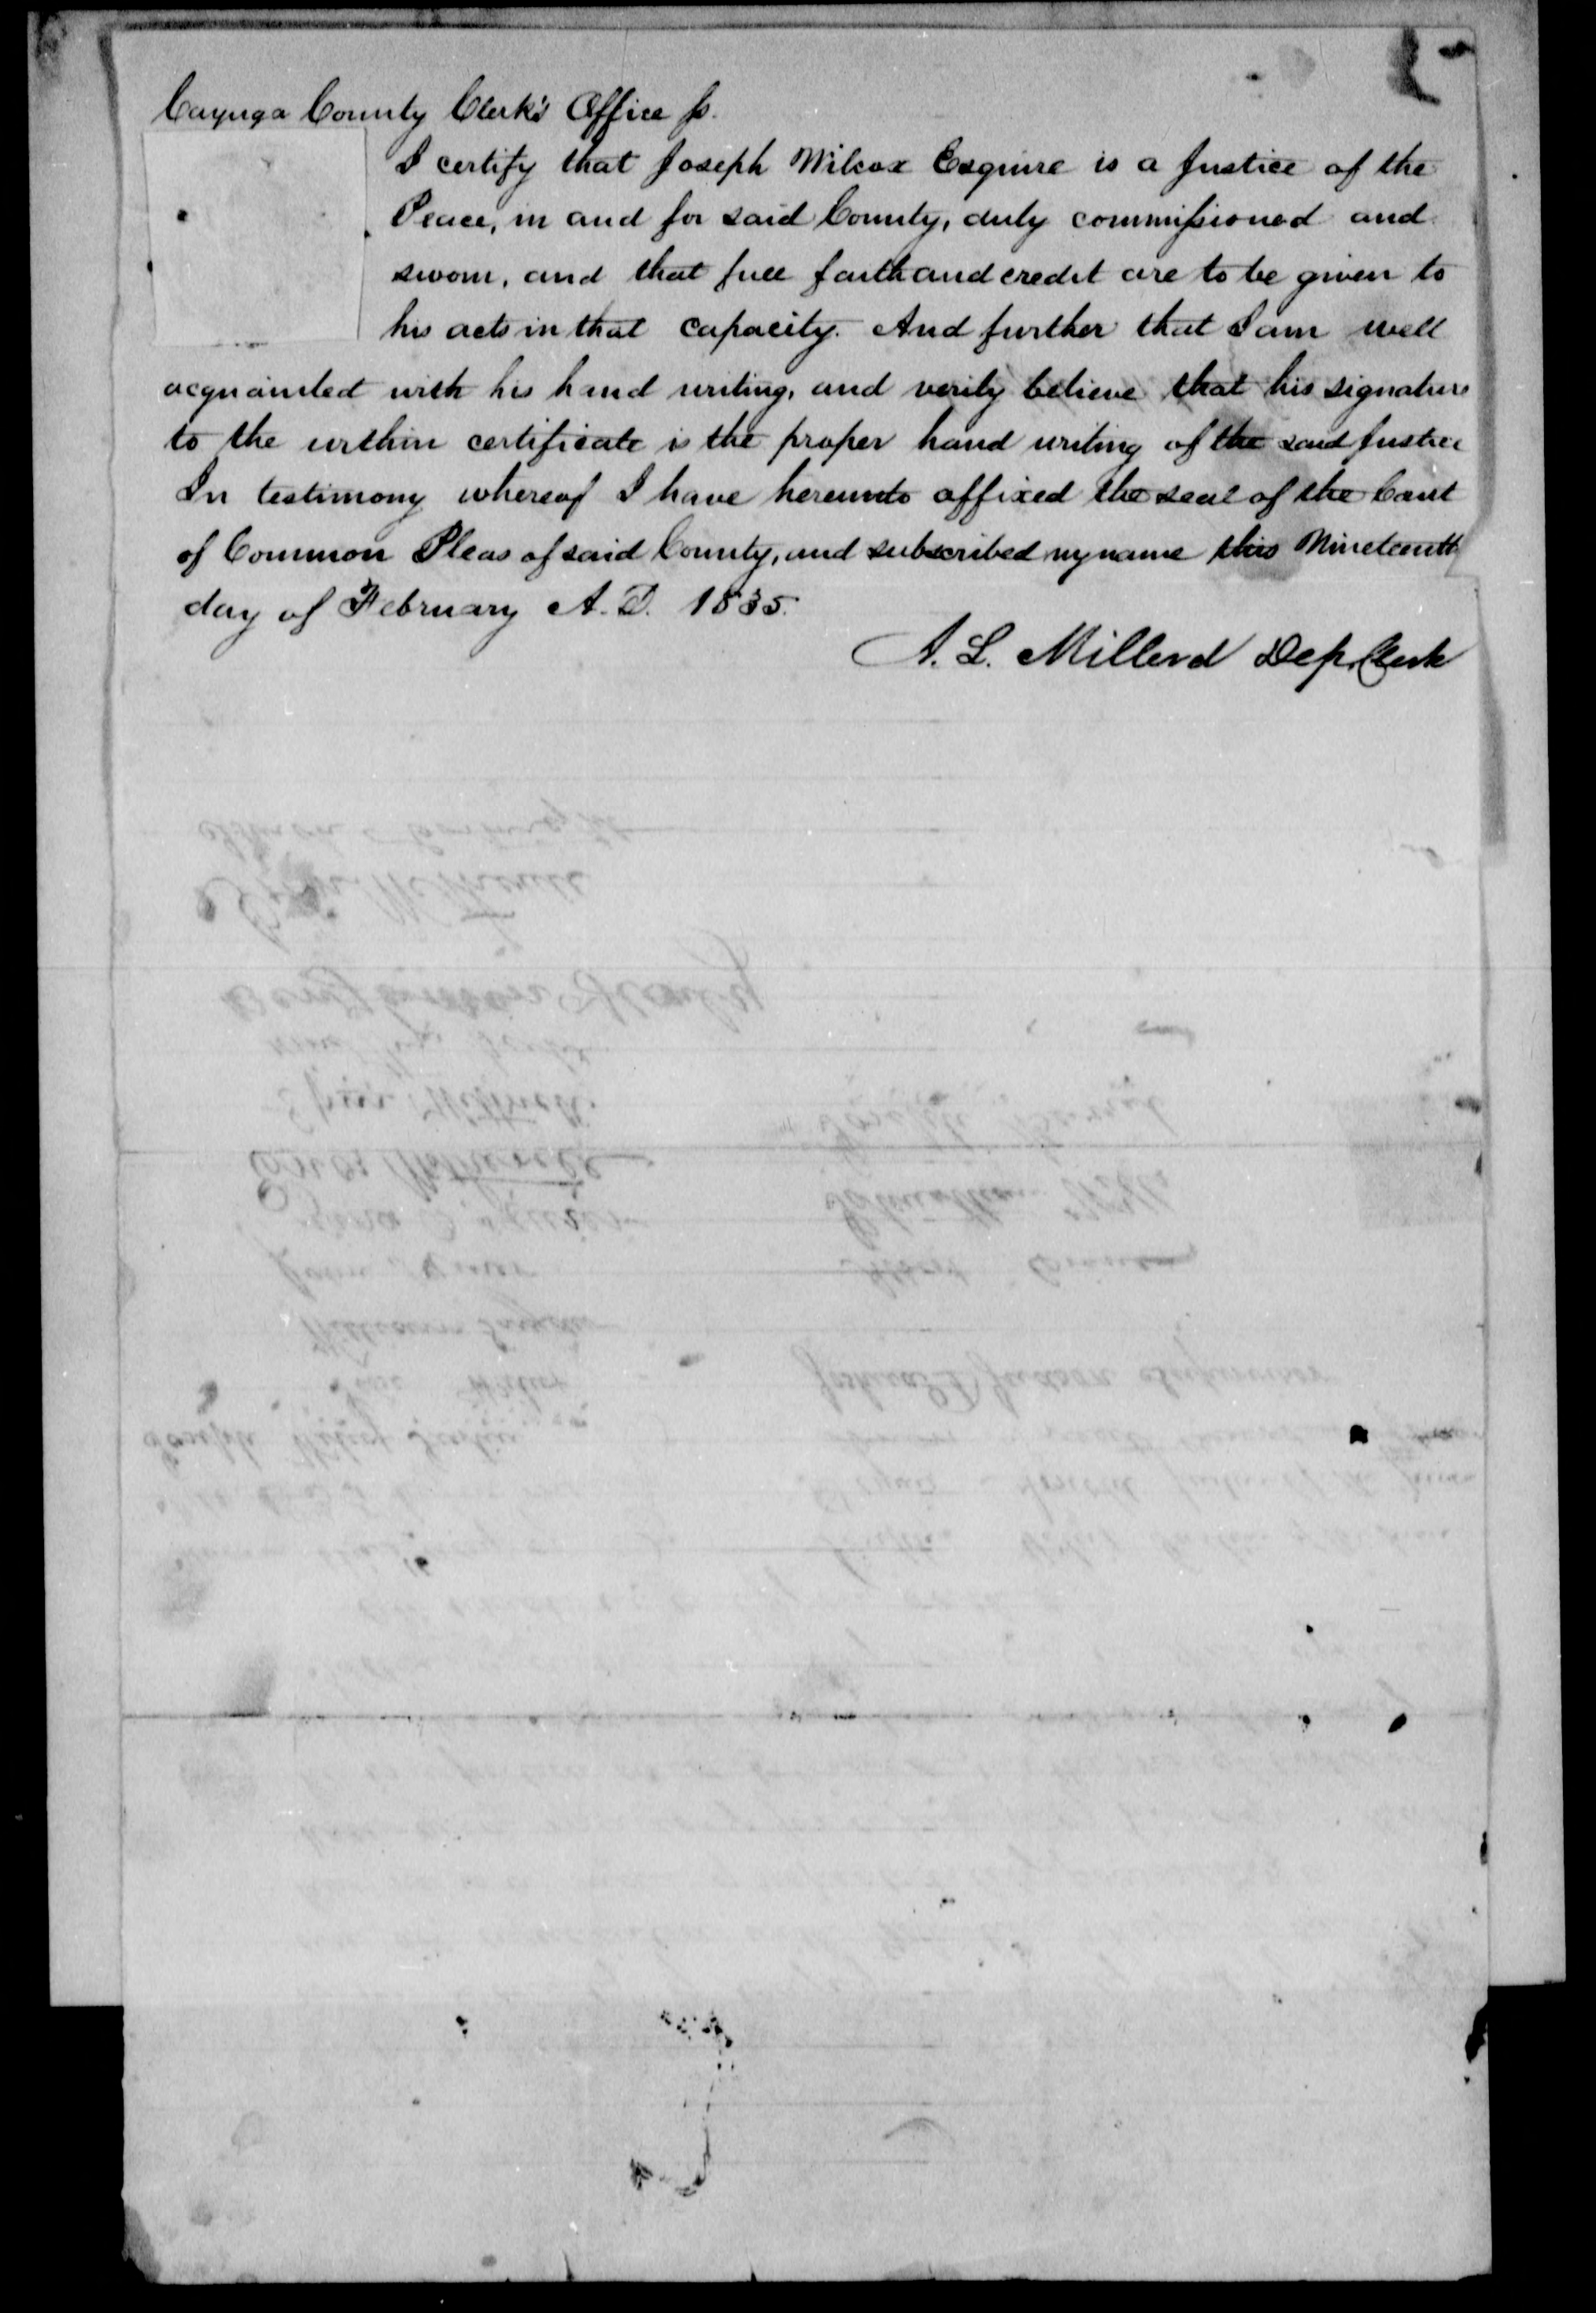Cayuga County Clerk's Office Ss
(Seal)
I certify that Joseph Wilcox Esquire is a Justice of the Peace in and for said County duly commissioned and sworn and that full faith and credit are to be given to his acts in that capacity. And further that I am well acquainted with his hand writing and verily believe that his signature to the within certificate is the proper hand writing of the said Justice. 
In testimony whereof I have hereunto affixed the seal of the court of Common Pleas of said County and subscribed my name this nineteenth day of February A. D. 1835
A. L. Millerd, Dep. Clerk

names: Joseph Wilcox, A L Millerd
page: 84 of 98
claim: widow's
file: W. 1682, Valentine Wheeler, Mass.